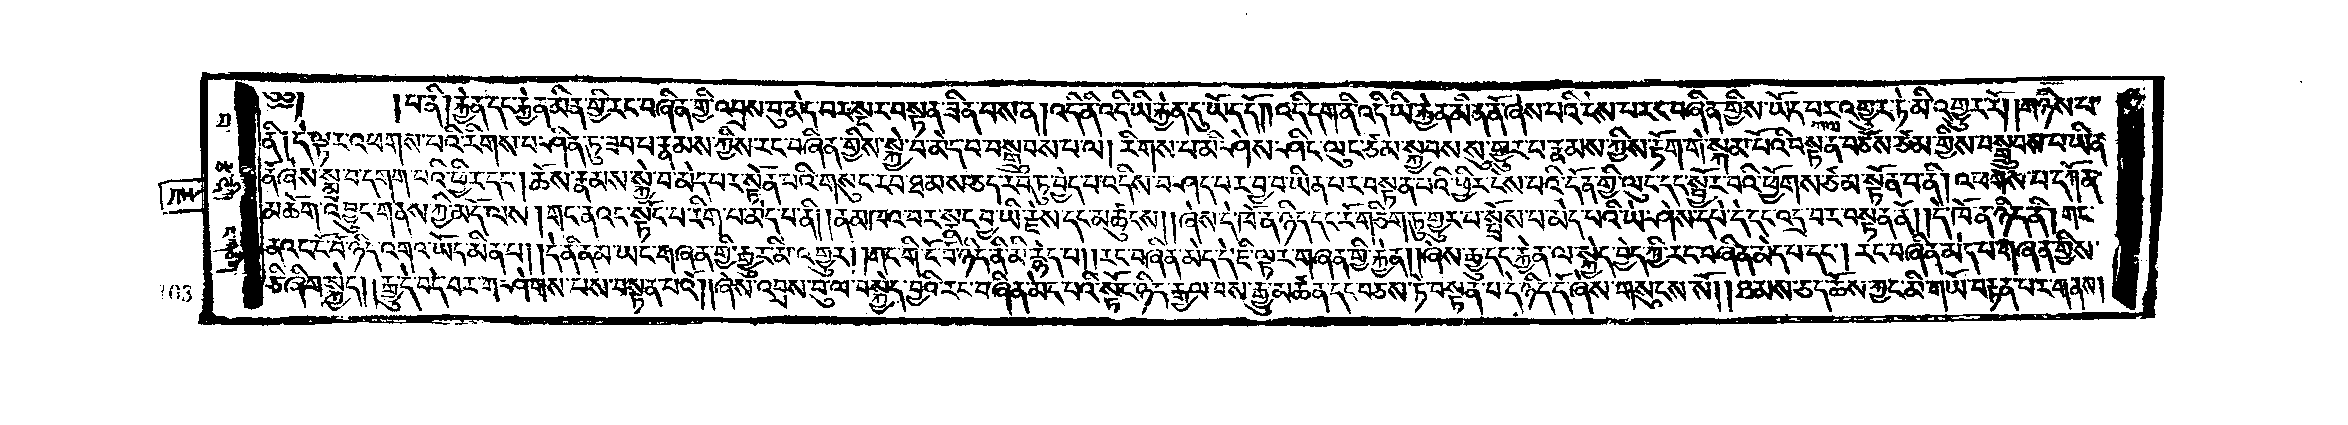༄༅། །པ་ནི། རྐྱེན་དང་རྐྱེན་མིན་གྱི་རང་བཞིན་གྱི་འབྲས་བུ་མེད་པར་སྔར་བསྟན་ཟིན་པས་ན། འདི་ནི་འདི་ཡི་རྐྱེན་དུ་ཡོད་དོ། །འདི་དག་ནི་འདི་ཡི་རྐྱེན་མིན་ནོ་ཞེས་པའི་ངེས་པ་རང་བཞིན་གྱིས་ཡོད་པར་འགྱུར་ཏེ་མི་འགྱུར་རོ། །གཉིས་པ་
ནི། དེ་ལྟར་འཕགས་པའི་རིགས་པ་ཤིན་ཏུ་ཟབ་པ་རྣམས་ཀྱིས་རང་བཞིན་གྱིས་སྐྱེ་བ་མེད་པ་བསྒྲུབས་པ་ལ། རིགས་པ་མི་ཤེས་ཤིང་ལུང་ཙམ་སྐྱབས་སུ་གྱུར་པ་རྣམས་ཀྱིས་རྟོག་གེ་སྐམ་པོའི་བསྟན་བཅོས་ཙམ་གྱིས་བསྒྲུབས་པ་ཡིན་
ནོ་ཞེས་སྨྲ་བ་དགག་པའི་ཕྱིར་དང་། ཆོས་རྣམས་སྐྱེ་བ་མེད་པར་སྟོན་པའི་གསུང་རབ་ཐམས་ཅད་རབ་ཏུ་བྱེད་པ་འདིས་བཤད་པར་བྱ་བ་ཡིན་པར་བསྟན་པའི་ཕྱིར་ངེས་པའི་དོན་གྱི་ལུང་དང་སྦྱོར་བའི་ཕྱོགས་ཙམ་སྟོན་པ་ནི། འཕགས་པ་དཀོན་
མཆོག་འབྱུང་གནས་ཀྱི་མདོ་ལས། གང་ནའང་སྟོང་པ་རིག་པ་མེད་པ་ནི། །ནམ་མཁའ་བར་སྣང་བྱ་ཡི་རྗེས་དང་མཚུངས། །ཞེས་དེ་ཁོ་ན་ཉིད་དང་རོ་གཅིག་ཏུ་གྱུར་པ་སྤྲོས་པ་མེད་པའི་ཡེ་ཤེས་དཔེ་དེ་དང་འདྲ་བར་བསྟན་ནོ། །དེ་ཁོ་ན་ཉིད་ནི། གང་
ནའང་ངོ་བོ་ཉིད་འགའ་ཡོད་མིན་པ། །དེ་ནི་ནམ་ཡང་གཞན་གྱི་རྒྱུར་མི་འགྱུར། །གང་གི་ངོ་བོ་ཉིད་ནི་མི་རྙེད་པ། །རང་བཞིན་མེད་དེ་ཇི་ལྟར་གཞན་གྱི་རྐྱེན། །ཞེས་རྒྱུ་དང་རྐྱེན་ལ་སྐྱེད་བྱེད་ཀྱི་རང་བཞིན་མེད་པ་དང་། རང་བཞིན་མེད་པ་གཞན་གྱིས་
ཅི་ཞིག་སྐྱེད། །རྒྱུ་དེ་བདེ་བར་གཤེགས་པས་བསྟན་པའོ། །ཞེས་འབྲས་བུ་ལ་བསྐྱེད་བྱའི་རང་བཞིན་མེད་པའི་སྟོང་ཉིད་རྒྱལ་བས་རྒྱུ་མཚན་དང་བཅས་ཏེ་བསྟན་པ་དེ་ཉིད་དོ་ཞེས་གསུངས་སོ། །ཐམས་ཅད་ཆོས་ཀྱང་མི་གཡོ་བརྟན་པར་གནས།